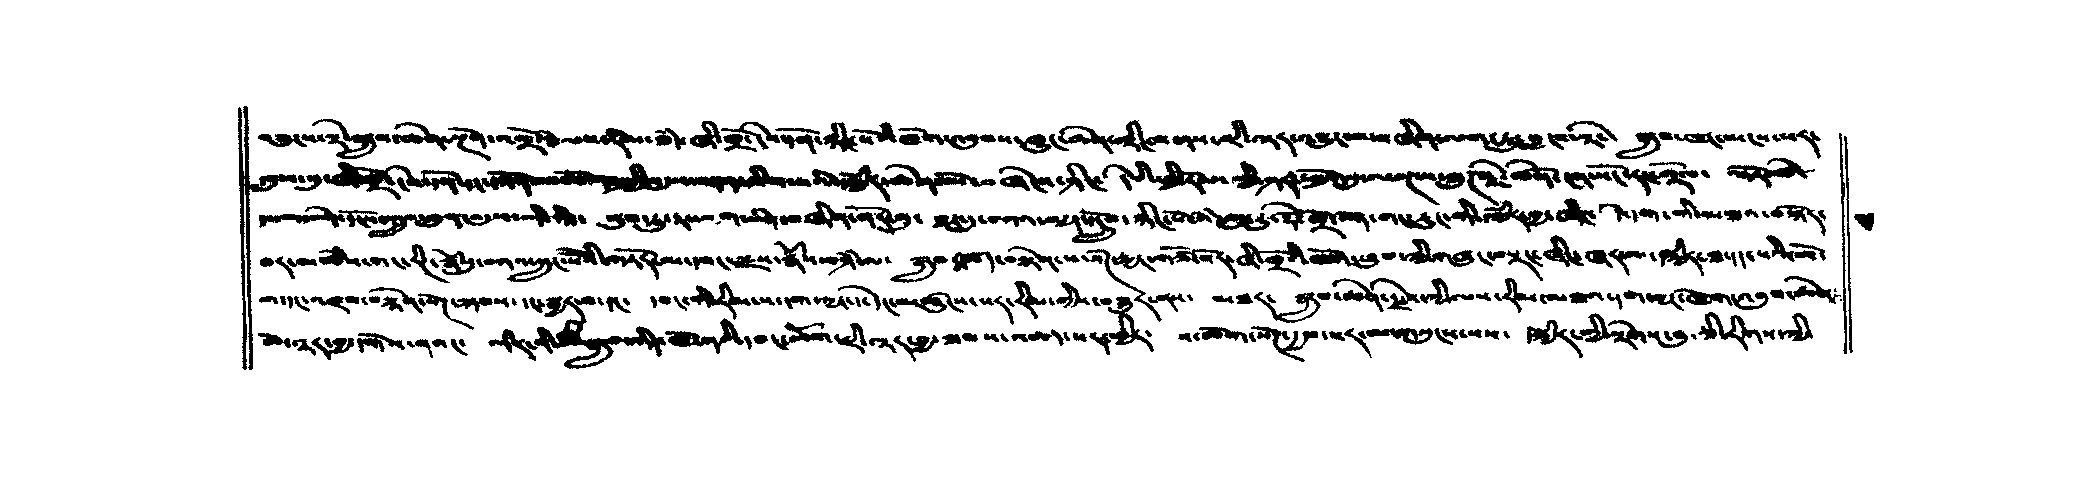བཟུངས་སྡེ་སྒྲུབ་ཆེན་སྔོན་འགྲོའི་ལས་རིམ་ཐམས་ཅད་ཞི་ཁྲོ་དེས་དོན་སྙིང་པོའི་ཁོག་འབུབས་ཁྱུང་ཆེན་སྙིང་ཁ་ནས་ཇི་ལྟར་འབྱང་བ་ཞིན་ལག་ཏུ་བླངས་ཏེ། སྒྲུབ་ཁང་ཡངས་སར་
དབུས་སུ་་་་་་་་་་་་་དཀྱིལ་འཁོར་ཆེན་མོ་བཞེངས་ཤིང་། དེའི་ཕྱི་རོལ་གྱི་ཤར་ཕྱོགས་སུ་་་་་་ཐུགས་རྗེ་ཆེན་པོ་ངག་སོང་རང་གྲོལ། ལྟོར་ཆེ་
དཔག་མེད་དངོས་གྲུབ་བུན་འདུས་འདི་ཉིད། ནུབ་ཏུ་་་་་་་་ཡིད་བཞིན་ནོར་བུ། བྱང་དུ་བཀའ་བརྒྱད་དངོས་གྲུབ་སྙིང་པོ་་་་གུ་རུ་རྡོ་རྗེ་་་་་་གང་རུང་གི་དཀྱིལ་འཁོར་བྱ་ཞིང་།དེ་དག་གི་མཐའ་བསྐོར་
བར་མཚམས་གང་རིགས་རྣམས་སུ་བཀའ་སྲུང་སཔ་སོའི་གཏོར་མ་དབང་རྫས་རྣམས་བཤམ་ལ། སྒྲུབ་འཆོད་བསྙེན་པ་སོགས་ཀྱང་གཙོ་བོར་ཞི་ཁྲོའི་ཁོག་ཐུབ་ཀྱི་གཞུང་བསྲང་ཞིང་ཝར་ལ་དཀྱིལ་འཁོར་ཐ་དད་པའི་ཆོ་
ག་དང་འཛབ་བསྟོན་སོགས་སྐབས་དག་སྦྱར་བ་དང་། དབང་གི་རིམ་པ་དག་ཀྱང་དེ་དང་མཚུངས་པར་རིམ་གྱིས་བསྐུར་ནས། མཐར། སྒྲུབ་ཆེན་རྗེས་ཀྱི་ལས་རིམ་མཐའ་དག་ཀྱང་ཁོག་འབུས་ཆེན་
ཆེ་ལྟར་བཡ་དགོས་ནའང་། འདི་ནི་ཚེ་སྒྲུབ་ཉིད་ཁོ་ནའི་དབང་ཆོག་ཇི་ལྟར་བྱ་ཐབས་འཆད་པར་ཕྱིར། ས་ཆོག་སོགས་རྒྱས་པར་མ་གསུངས་པས། དཀྱིལ་འཁོར་གྱི་ལྟེགས་བུ་ཅི་རིགས་ཀྱི་